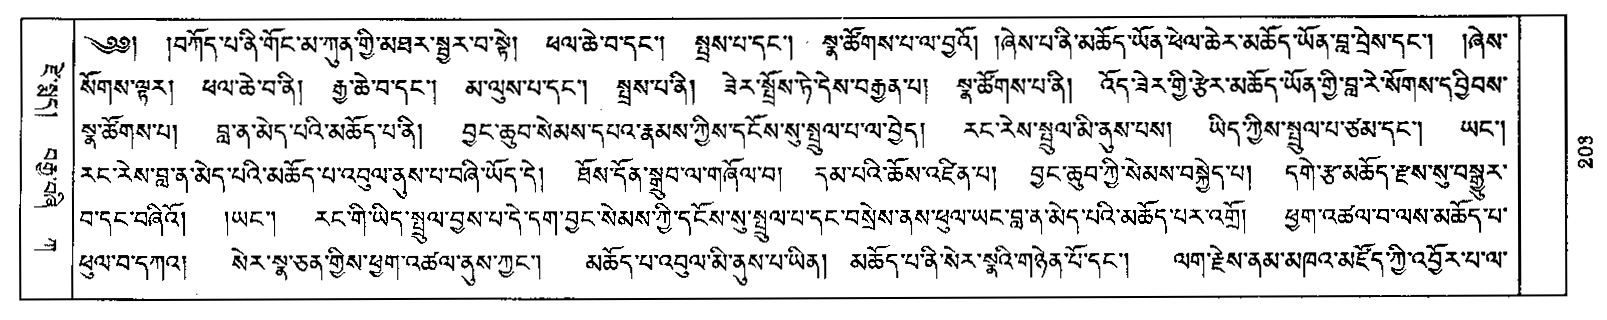༄༅། །བཀོད་པ་ནི་གོང་མ་ཀུན་གྱི་མཐར་སྦྱར་བ་སྟེ། ཕལ་ཆེ་བ་དང་། སྤྲས་པ་དང་། སྣ་ཚོགས་པ་ལ་བྱའོ། །ཞེས་པ་ནི་མཆོད་ཡོན་ཕེལ་ཆེར་མཆོད་ཡོན་བླ་བྲེས་དང་། །ཞེས་
སོགས་ལྟར། ཕལ་ཆེ་བ་ནི། རྒྱ་ཆེ་བ་དང་། མ་ལུས་པ་དང་། སྤྲས་པ་ནི། ཟེར་སྤྲོས་ཏེ་དེས་བརྒྱན་པ། སྣ་ཚོགས་པ་ནི། འོད་ཟེར་གྱི་རྩེར་མཆོད་ཡོན་གྱི་བླ་རེ་སོགས་དབྱིབས་
སྣ་ཚོགས་པ། བླ་ན་མེད་པའི་མཆོད་པ་ནི། བྱང་ཆུབ་སེམས་དཔའ་རྣམས་ཀྱིས་དངོས་སུ་སྤྲུལ་པ་ལ་བྱེད། རང་རེས་སྤྲུལ་མི་ནུས་པས། ཡིད་ཀྱིས་སྤྲུལ་པ་ཙམ་དང་། ཡང་།
རང་རེས་བླ་ན་མེད་པའི་མཆོད་པ་འབུལ་ནུས་པ་བཞི་ཡོད་དེ། ཐོས་དོན་སྒྲུབ་ལ་གཞོལ་བ། དམ་པའི་ཆོས་འཛིན་པ། བྱང་ཆུབ་ཀྱི་སེམས་བསྐྱེད་པ། དགེ་རྩ་མཆོད་རྫས་སུ་བསྒྱུར་
བ་དང་བཞིའོ། །ཡང་། རང་གི་ཡིད་སྤྲུལ་བྱས་པ་དེ་དག་བྱང་སེམས་ཀྱི་དངོས་སུ་སྤྲུལ་པ་དང་བསྲེས་ནས་ཕུལ་ཡང་བླ་ན་མེད་པའི་མཆོད་པར་འགྲོ། ཕྱག་འཚལ་བ་ལས་མཆོད་པ་
ཕུལ་བ་དཀའ། སེར་སྣ་ཅན་གྱིས་ཕྱག་འཚལ་ནུས་ཀྱང་། མཆོད་པ་འབུལ་མི་ནུས་པ་ཡིན། མཆོད་པ་ནི་སེར་སྣའི་གཉེན་པོ་དང་། ལག་རྗེས་ནམ་མཁའ་མཛོད་ཀྱི་འབྱོར་པ་ལ་